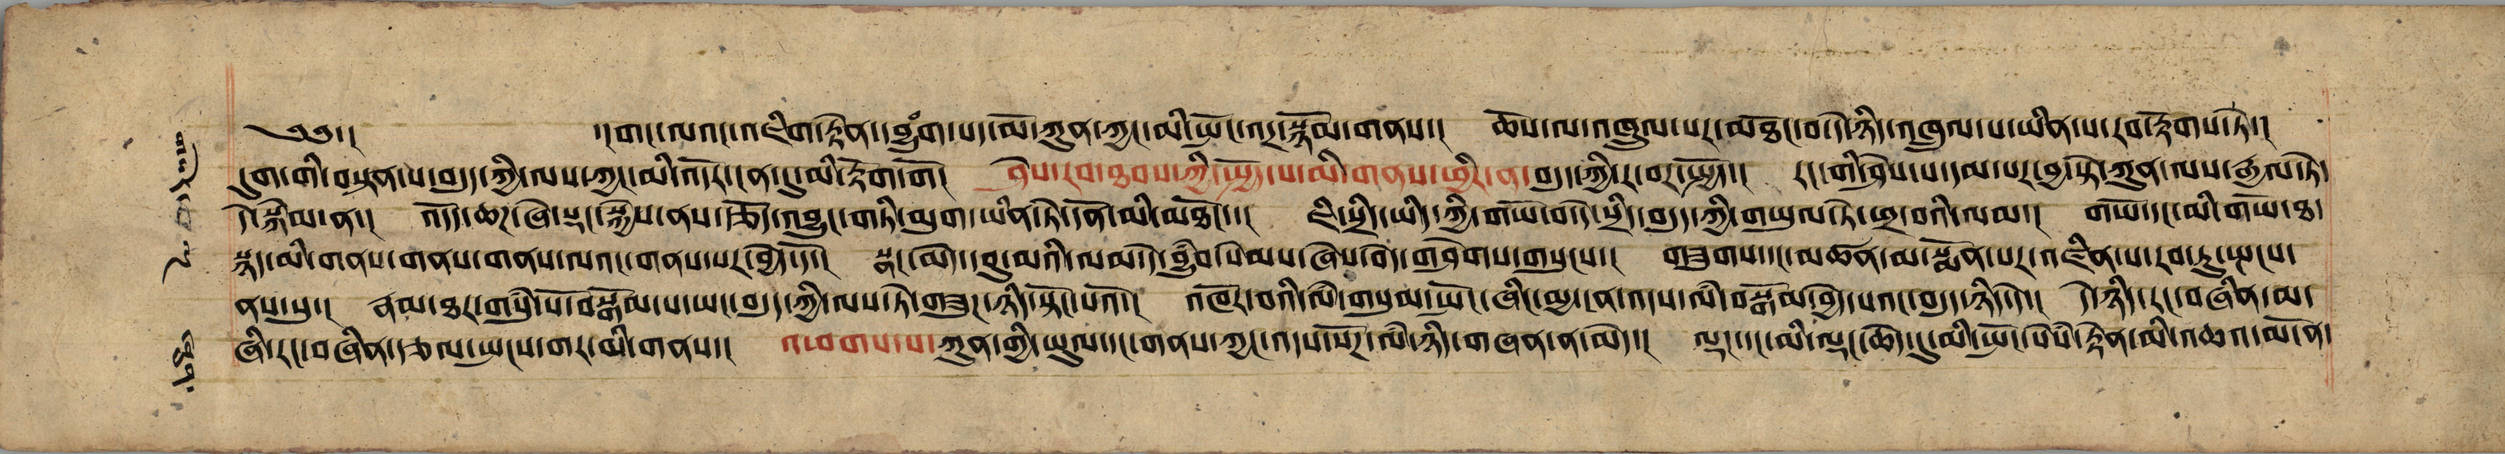༄༅་། ་།གང་ལའང་འཇིག་རྟེན་དབྱུཾག་པད་མོ་ཀུན་ཀྱང་མི་སྤོང་འདྲ་སྙོམ་གནས་། ཆོས་ལ་འཁྲུལ་པར་མཐོང་བ་དེ་ཉིད་འཁྲུལ་པ་ཡིན་པ་རབ་རྟོགས་ཏེ་།
དུག་གི་བསྟན་པ་བདུད་ཀྱི་ལས་ཀྱང་མི་འདོར་ངན་དུ་མི་རྟོག་གོ། ཤེས་རབ་ཐབས་ཀྱི་སྤྱོད་པ་མི་གནས་ཕྱིར་ན་བདུད་ཀྱི་ར་བར་སྤྱོད་། རང་གི་ཤེས་པ་དམ་པར་བྱ་སྟེ་ཀུན་ལས་རྒྱལ་ཏེ་
དེ་སྐེམ་ན་། འདོད་ཆཌ་ཞེ་སྡང་སྐྱེས་ནས་རྩོད་འབྱུང་གཏི་མུག་ཡིན་ཏེ་དོན་མི་མཐོང་་། ཇི་སྲིད་ཡིད་ཀྱི་གཡོ་བ་དེ་སྲིད་བདུད་ཀྱི་གཡུལ་ཏེ་ཕྲ་བའི་ལམ་། གཡོ་དང་མི་གཡོ་ཐ་
སྙད་མི་གནས་གནས་གནས་ལའང་གནས་པར་བྱེད་དོ་། སྣང་མེད་དབུ་མའི་ལམ་དེ་བྱུཾབ་སེམས་ཞེས་བདེ་གཤེགས་གསུངས་། གཟུགས་དང་མཚན་མ་སྨོན་པར་འཛིན་པ་རབ་ཏུ་སྤངས་
ནས་སུ་། རྣམ་ཐར་གསུཾ་པོ་བསྒོམ་པ་ཡང་བདུད་ཀྱི་ལས་ཏེ་གཟུཌ་ཉིད་སྟོང་པའོ་། འཁོར་བའི་ལཾ་གསུམ་སྤོང་ཞིང་མྱ་ངན་འདས་ལཾ་བསྒོམ་བྱེད་པའང་བདུད་ཉིད་དེ་། དེ་ཉིད་རང་བཞིན་མ་
ཞི་རང་བཞིན་རྩལ་སྤངས་གར་མི་གནས་། འཕགས་པ་ཀུན་གྱི་ཡུལ་དང་གནས་ཀྱང་འདས་སོཌ་ལཾ་ཉིད་གཞན་ན་མེད་། ལྡང་དང་མི་ལྡང་ཆེད་དུ་མི་སྤོང་སེཾས་རྟེན་མི་འཆའ་མངོན་